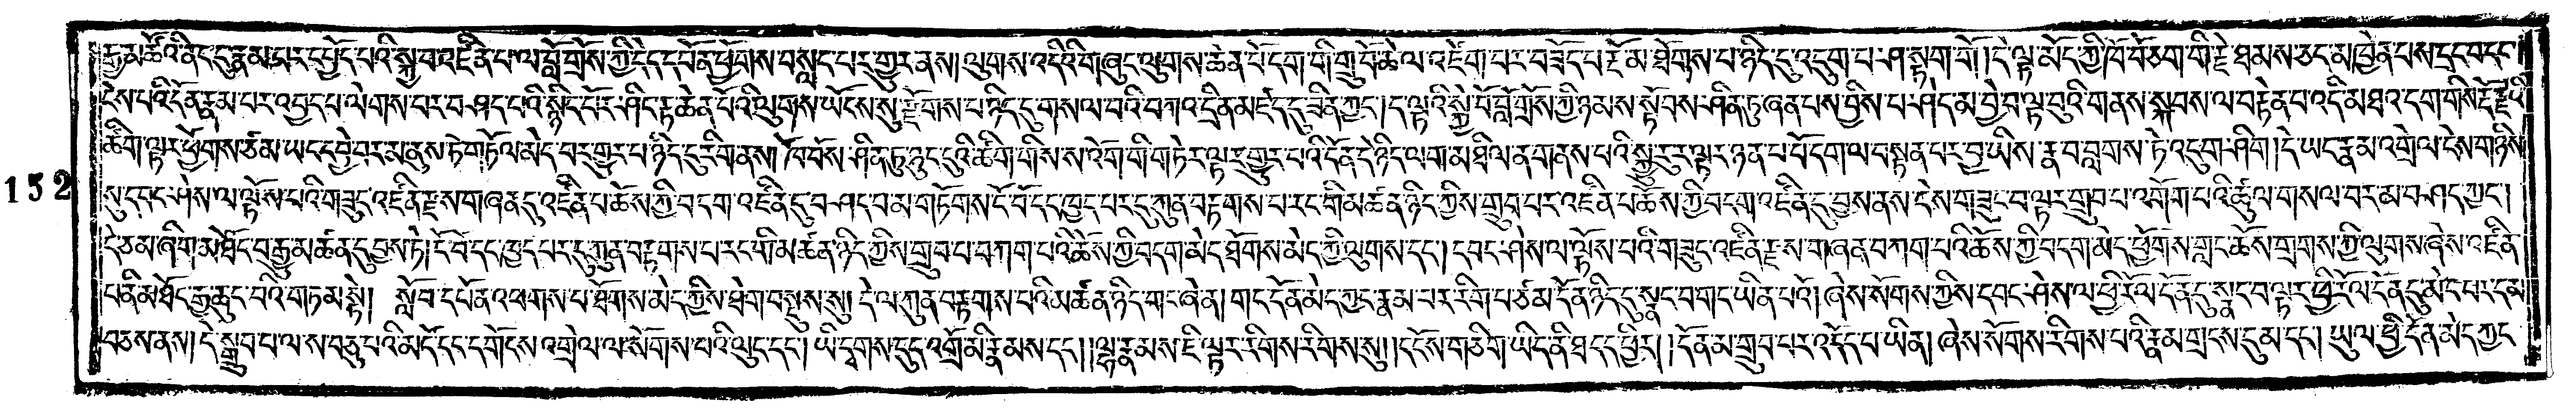རྒྱ་མཚོའི་ནང་དུ་རྣམ་པར་དཔྱོད་པའི་སྐྱ་བ་འཛིན་པ་ལ་བློ་གྲོས་ཀྱི་དེད་དཔོན་ཕྱོགས་བསླད་པར་གྱུར་ནས། ལུགས་འདིའི་གཞུང་ལུགས་ཆེན་པོ་དག་གི་གྲུ་བོ་ཆེ་ལ་འཛེག་པར་བཟོད་པ་རྔོ་མ་ཐོགས་པ་ཉིད་དུ་འདུག་པ་ཤ་སྟག་གོ །དེ་ལྟ་མོད་ཀྱི་ཁོ་བོ་ཅག་གི་རྗེ་ཐམས་ཅད་མཁྱེན་པས་དྲང་བ་དང་
ངེས་པའི་དོན་རྣམ་པར་འབྱད་པ་ལེགས་པར་བཤད་པའི་སྙིང་པོར་ཤིང་རྟ་ཆེན་པོའི་ལུགས་ཡོངས་སུ་རྫོགས་པ་ཉིད་དུ་གསལ་བའི་བཀའ་དྲིན་མཛད་དུ་ཟིན་ཀྱང་། ད་ལྟའི་སྐྱེ་བོ་བློ་གྲོས་ཀྱི་ཉམས་སྟོབས་ཤིན་ཏུ་ཞན་པས་བྱིས་པ་ཤེད་མ་བྱེ་བ་ལྟ་བུའི་གནས་སྐབས་ལ་བརྟེན་པ་འདི་མཐའ་དག་གིས་རྡོ་རྗེའི་
ཚིག་ལྟར་ཕྱོགས་ཙམ་ཡང་དབྱེ་བར་མ་ནུས་?་གཏོལ་མེད་པར་གྱུར་པ་ཉིད་དུ་རིག་ནས། ཁོ་བོས་ཤིན་ཏུ་ཉུང་དུའི་ཚིག་གིས་ས་འོག་གི་གཏེར་ལྟར་གྱུར་པའི་དོན་དེ་ཉིད་ལག་མཐིལ་ན་གནས་པའི་སྐྱུ་རུ་ར་ལྟར་ཉན་པ་བོ་དག་ལ་བསྟན་པར་བྱ་ཡིས་རྣ་བ་བླགས་ཏེ་འདུག་ཤིག །དེ་ཡང་རྣམ་འགྲེལ་ངེས་གཉིས་
སུ་དབང་ཤེས་ལ་ལྟོས་པའི་གཟུང་འཛིན་རྫས་གཞན་དུ་འཛིན་པ་ཆོས་ཀྱི་བདག་འཛིན་དུ་བཤད་པ་མ་གཏོགས་ངོ་བོ་དང་ཁྱད་པར་དུ་ཀུན་བརྟགས་པ་རང་གི་མཚན་ཉིད་ཀྱིས་གྲུབ་པར་འཛིན་པ་ཆོས་ཀྱི་བདག་འཛིན་དུ་བྱས་ནས་དེས་གཟུང་བ་ལྟར་གྲུབ་པ་འགོག་པའི་ཚུལ་གསལ་བར་མ་བཤད་ཀྱང་།
དེ་ཅམ་ཞིག་མཐོང་བ་རྒྱུ་མཚན་དུ་བྱས་ཏེ། ངོ་བོ་དང་ཁྱད་པར་དུ་ཀུན་བརྟགས་པ་རང་གི་མཚན་ཉིད་ཀྱིས་གྲུབ་པ་བཀག་པའི་ཆོས་ཀྱི་བདག་མེད་ཐོགས་མེད་ཀྱི་ལུགས་དང་། དབང་ཤེས་ལ་ལྟོས་བའི་གཟུང་འཛིན་རྫས་གཞན་བཀག་པའི་ཆོས་ཀྱི་བདག་མེད་ཕྱོགས་གླང་ཆོས་གྲགས་ཀྱི་ལུགས་ཞེས་འཛིན་
པ་ནི་མཐོང་རྒྱ་ཆུང་བའི་གཏམ་སྟེ། སློབ་དཔོན་འཕགས་པ་ཐོགས་མེད་ཀྱིས་ཐེག་བསྡུས་སུ། དེ་ལ་ཀུན་བརྟགས་པའི་མཚན་ཉིད་གང་ཞེ་ན། གང་དོན་མེད་ཀྱང་རྣམ་པར་རིག་པ་ཙམ་དོན་ཉིད་དུ་སྣང་བ་གང་ཡིན་པའོ། ཞེས་སོགས་ཀྱིས་དབང་ཤེས་ལ་ཕྱི་རོལ་དོན་དུ་སྣང་བ་ལྟར་ཕྱི་རོལ་དོན་དུ་མེད་པར་དམ་
བཅས་ནས། དེ་སྒྲུབ་པ་ལ་ས་བཅུ་པའི་མདོ་དང་དགོངས་འགྲེལ་ལ་སོགས་པའི་ལུང་དང་། ཡི་དྭགས་དུད་འགྲོ་མི་རྣམས་དང་། །ལྷ་རྣམས་ཇི་ལྟར་རིགས་རིགས་སུ། །དངོས་གཅིག་ཡིད་ནི་ཐ་དད་ཕྱིར། །དོན་མ་གྲུབ་པར་འདོད་པ་ཡིན། ཞེས་སོགས་རིགས་པའི་རྣམ་གྲངས་དུ་མ་དང་། ཡུལ་ཕྱི་དོན་མེད་ཀྱང་